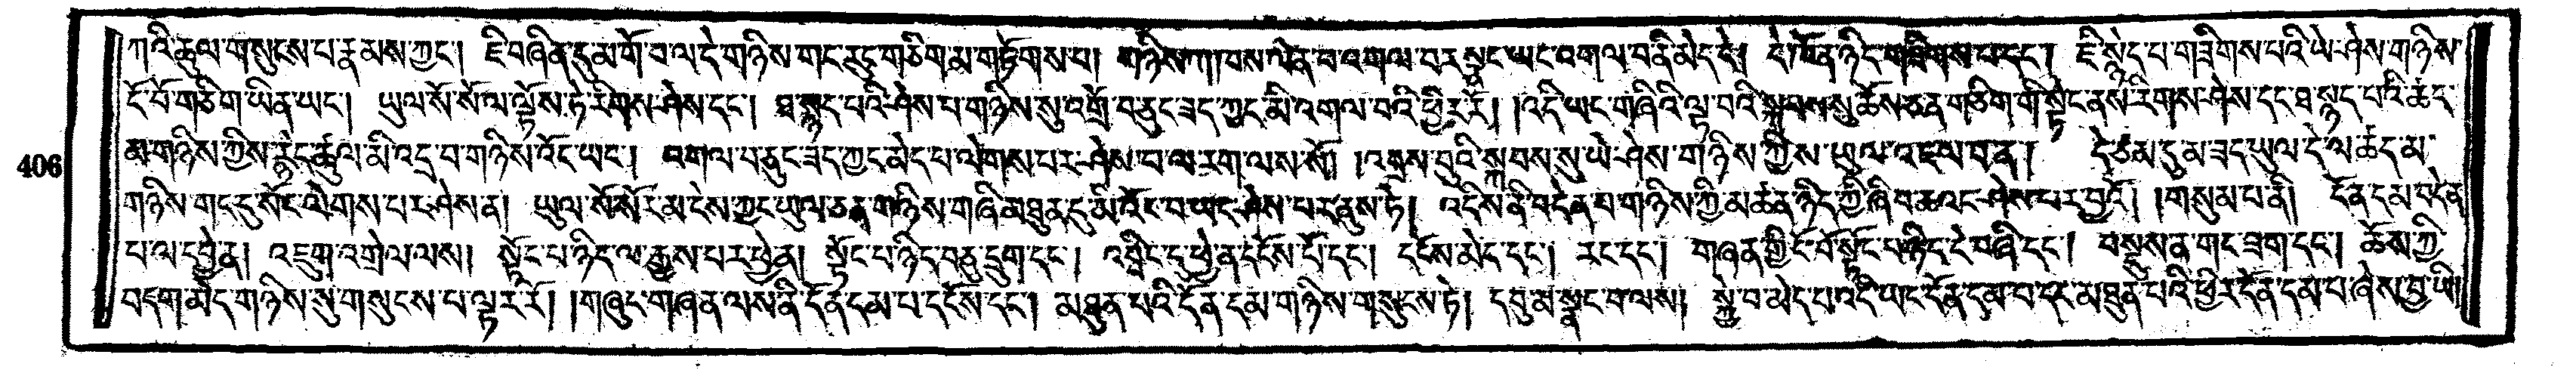ཀའི་ཆུལ་གསུངས་པ་རྣམས་ཀྱང་། ཇི་བཞིན་དུ་མ་གོ་བ་ལ་དེ་གཉིས་གང་རུང་གཅིག་མ་གཏོག་པ། གཉིས་ཀ་ཁས་ལེན་པ་འགལ་བར་སྣང་ཡང་འགལ་བ་ནི་མེད་དེ། དེ་ཁོ་ན་ཉིད་གཟིགས་པ་དང་། ཇི་སྙེད་པ་གཟིགས་པའི་ཡེ་ཤེས་གཉིས་
ངོ་བོ་གཅིག་ཡིན་ཡང་། ཡུལ་སོ་སོ་ལ་ལྟོས་ཏེ་རིགས་ཤེས་དང་། ཐ་སྙད་པའི་ཤེས་པ་གཉིས་སུ་འགྲོ་བ་ཅུང་ཟད་ཀྱང་མི་འགལ་བའི་ཕྱིར་རོ། །འདི་ཡང་གཞིའི་ལྟ་བའི་སྐབས་སུ་ཆོས་ཅན་གཅིག་གི་སྟེང་ནས་རིགས་ཤེས་དང་ཐ་སྙད་པའི་ཚད་
མ་གཉིས་ཀྱིས་རྙེད་ཚུལ་མི་འདྲ་བ་གཉིས་འོང་ཡང་། འགལ་པ་ཅུང་ཟད་ཀྱང་མེད་པ་ལེགས་པར་ཤེས་པ་ལ་རག་ལས་སོ། །འབྲས་བུའི་སྐབས་སུ་ཡེ་ཤེས་གཉིས་ཀྱིས་ཡུལ་འཇལ་བ་ན། དེ་ཙམ་དུ་མ་ཟད་ཡུལ་དེ་ལ་ཚད་མ་
གཉིས་གང་དུ་སོང་ལེགས་པར་ཤེས་ན། ཡུལ་སོ་སོར་མ་ངེས་ཀྱང་ཡུལ་ཅན་གཉིས་གཞི་མཐུན་དུ་མི་འོང་བ་ཡང་ཤེས་པར་ནུས་ཏེ། འདིས་ནི་བདེན་པ་གཉིས་ཀྱི་མཚན་ཉིད་ཀྱི་ཞི་བ་འཆཱང་ཤེས་པར་བྱའོ། །གསུམ་པ་ནི། དོན་དམ་བདེན་
པ་ལ་དབྱེ་ན། འཇུག་འགྲེལ་ལས། སྟོང་པ་ཉིད་ལ་རྒྱས་པར་ཕྱེད་ན། སྟོང་པ་ཉིད་བཅུ་དྲུག་དང་། འབྲིང་དུ་ཕྱེ་ན་དངོས་པོ་དང་། དངོས་མེད་དང་། རང་དང་། གཞན་གྱི་ངོ་བོ་སྟོང་པ་ཉིད་དེ་བཞི་དང་། བསྡུས་ན་གང་ཟག་དང་། ཆོས་ཀྱི་
བདག་མེད་གཉིས་སུ་གསུངས་པ་ལྟར་རོ། །གཞུང་གཞན་ལས་ནི་དོན་དམ་པ་དངོས་དང་། མཐུན་པའི་དོན་དམ་གཉིས་གསུངས་ཏེ། དབུ་མ་སྣང་བ་ལས། སྐྱེ་བ་མེད་པ་འདི་ཡང་དོན་དམ་པ་དང་མཐུན་པའི་ཕྱིར་དོན་དམ་པ་ཞེས་བྱ་ཡི།